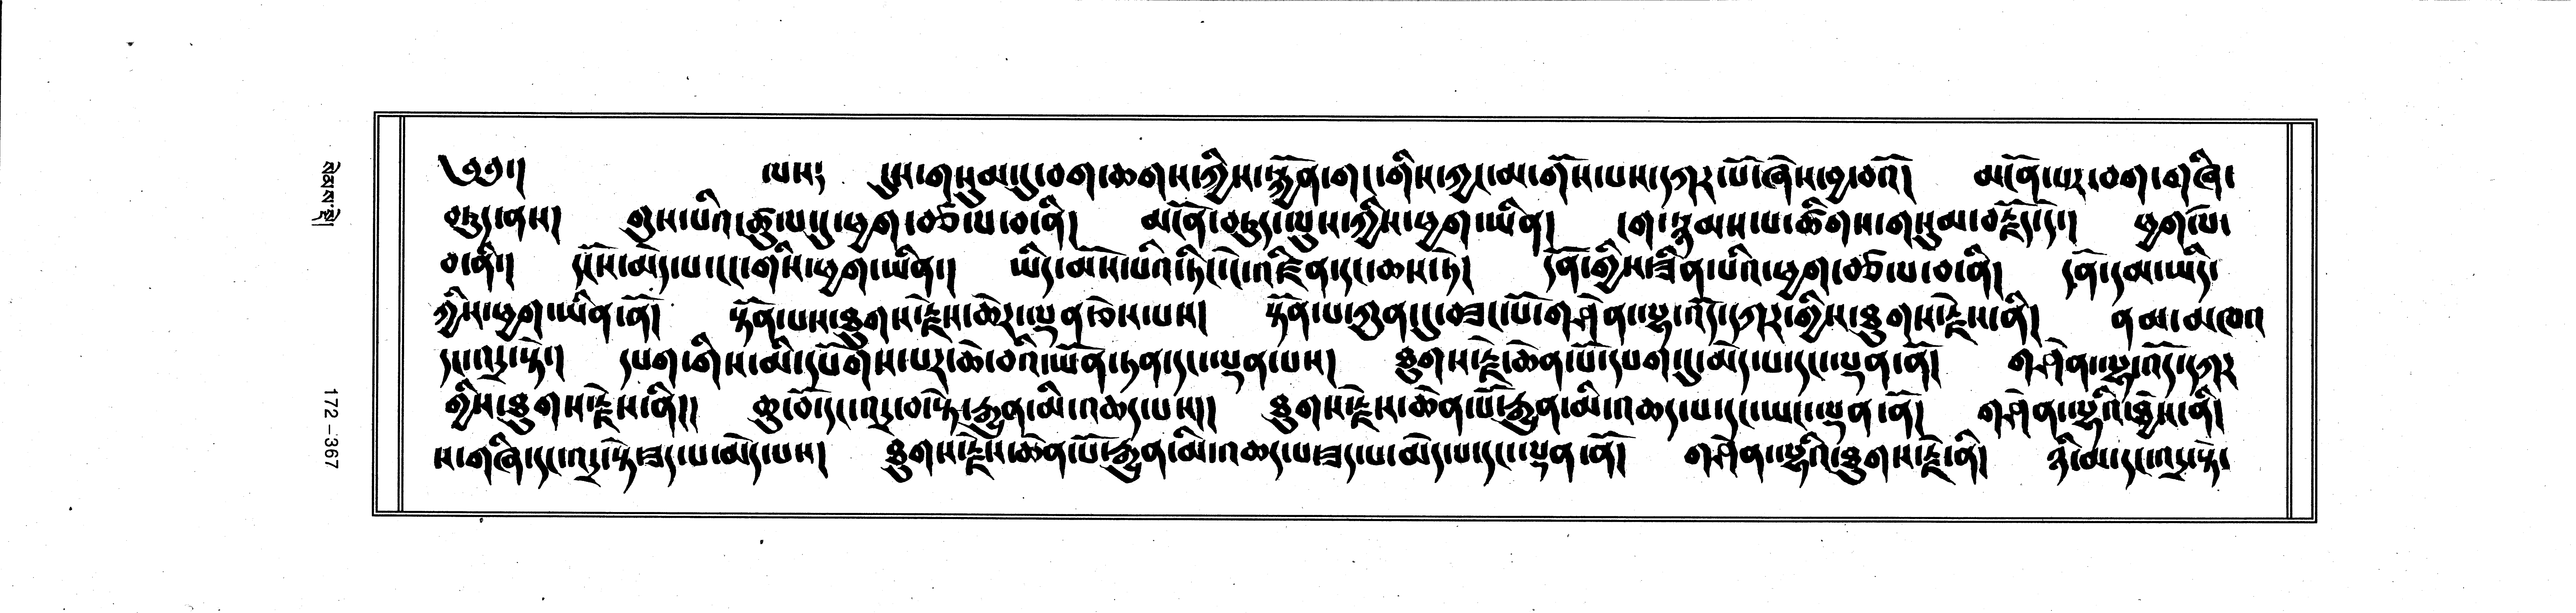ལས། དུས་གསུམ་དུ་བག་ཆགས་ཀྱིས་སྐྱོན་གང་གིས་ཀྱང་མ་གོས་པས་དཀར་པོ་ཞེས་བྱ་བའོ། མངོན་པར་བག་གཞི་
བཏུད་ནས། གུས་པའི་ཚུལ་དུ་ཕྱག་བཙལ་བ་ནི། མངོན་བཏུད་ལུས་ཀྱིས་ཕྱག་ཡིན། ངག་སྙམས་པ་ཚིགས་གསུམ་བརྗོད་དོ། ཕྱག་འཚལ་
བ་ནི། དངོས་མེད་པ་ངང་གིས་ཕྱག་ཡིན། ཡིད་མོས་པའི་ཏིང་ངེ་འཛིན་དང་ཆས་ཏེ། དོན་གྱིས་ཟིན་པའི་ཕྱག་བཙལ་བ་ནི། དོན་དམ་ཡིད་
ཀྱིས་ཕྱག་ཡིན་ནོ། སྟོན་པས་ཐུགས་རྗེས་ཆེར་ལྡན་ཅེས་པས། སྟོན་པ་ཀུན་དུ་བཟང་པོ་གཤེན་ལྷ་འོད་དཀར་གྱིས་ཐུགས་རྗེས་ནི། ནམ་མཁའ་
དང་འདྲ་སྟེ། དཔག་གིས་མི་དཔོགས་པར་ཆེ་བའི་ཡོན་ཏན་དང་ལྡན་པས། ཐུགས་རྗེ་ཆེན་པོ་དཔག་དུ་མེད་པ་དང་ལྡན་ནོ། གཤེན་ལྷ་འོད་དཀར་
གྱིས་ཐུགས་རྗེས་ནི། ཆུ་བོ་དང་འདྲ་བ་སྟེ་རྒྱུན་མི་འཆད་པས། ཐུགས་རྗེས་ཆེན་པོ་རྒྱུན་མི་འཆད་པ་དང་ཡང་ལྡན་ནོ། གཤེན་ལྷའི་ཐུགས་རྗེས་ནི། 
ས་གཞི་དང་འདྲ་སྟེ་ཟད་པ་མེད་པས། ཐུགས་རྗེས་ཆེན་པོ་རྒྱུན་མི་འཆད་པ་ཟད་པ་མེད་པ་དང་ལྡན་ནོ། གཤེན་ལྷའི་ཐུགས་རྗེ་ནི། ཉི་མ་དང་འདྲ་སྟེ་